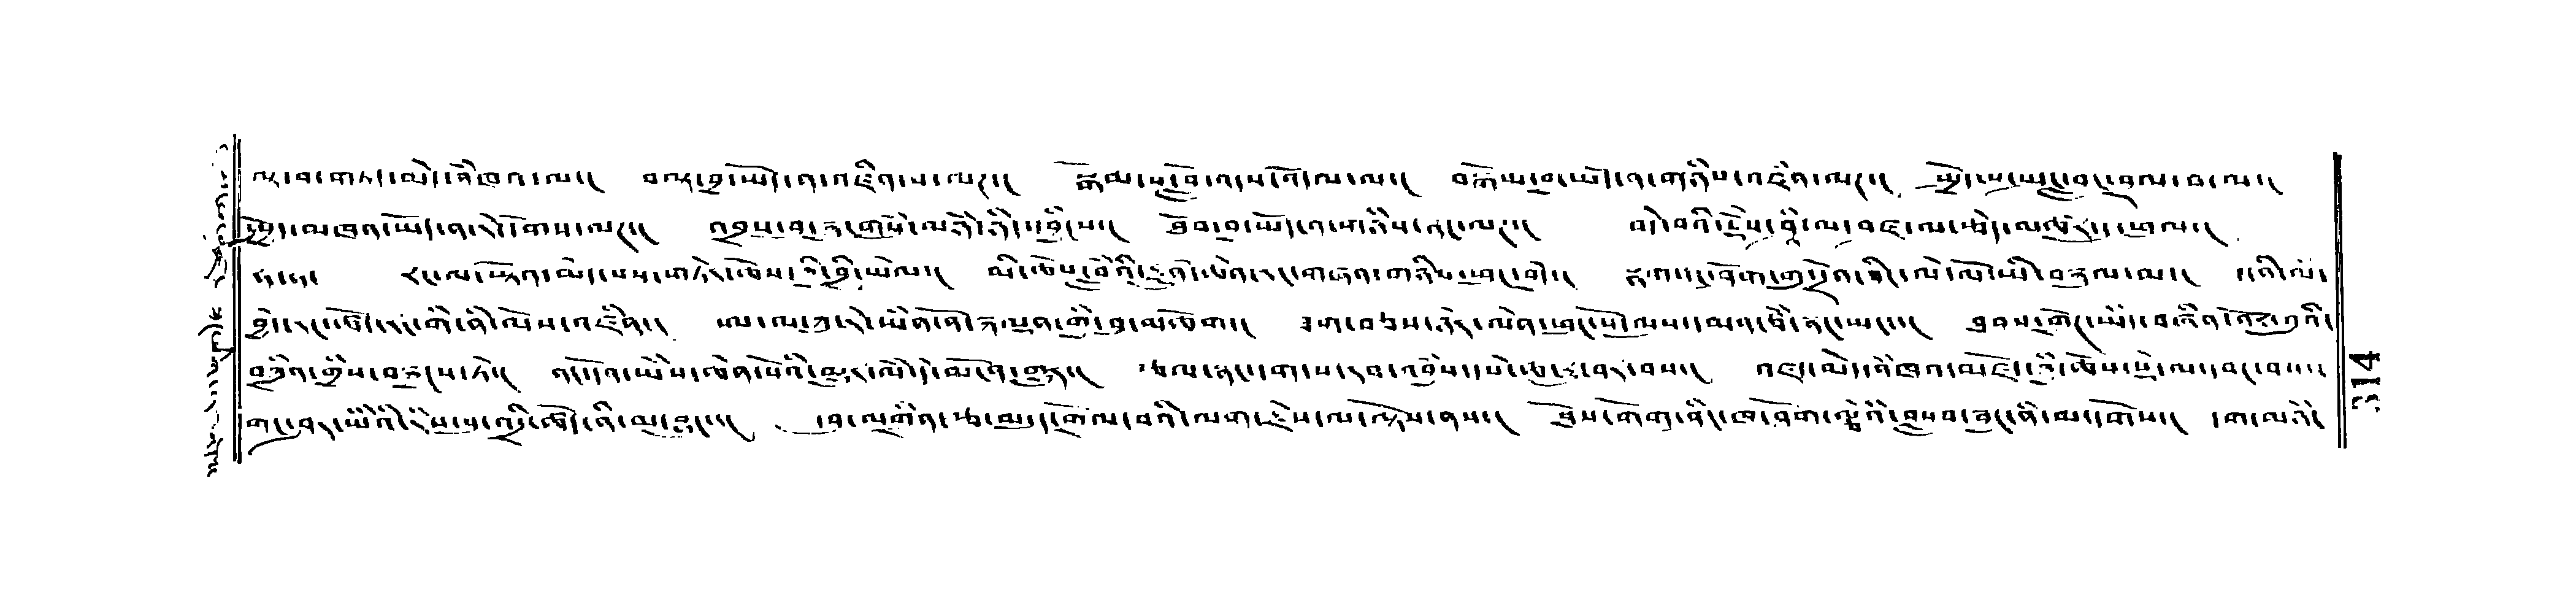།ལྟ་བ་གཏད་མེད་ནམ་མཁའ་ལ། །བལྟ་བྱ་ཡོད་ན་འཛིན་པ་ལགས། །སྒོམ་པ་བློ་འདས་འོད་གསལ་ལ། །བསྒོམ་བྱ་ཡོད་ན་གཉིས་འཛིན་ལགས། །སྤྱོད་པ་སྤང་བླང་བྲལ་བ་ལ། །
སྤྱོད་མཁན་ཡོད་ན་རེ་དོགས་ལགས། །འབྲས་བུ་སྐུ་གསུམ་མཉམ་ཉིད་དབྱིངས། །ཐོབབྱ་ཡོད་ན་གཉིས་སྣང་ལགས། །བདེ་བའི་རྡོ་རྗེས་ཤཱི་ལ་བཛྲ་ལ་རྩེད་མཚར་དུ་ཕུལ། 
ཧ་ཧ།། རང་ལ་ཡོན་ཏན་མེད་པས་གཏེར་ཆོས་ཀྱི་བྲི་སྤེལ། །མི་ཆོས་བླ་མའི་རྫུན་ཆེན་རང་གཞན་གཉིས་པུང་བྱེད། །སྣག་དང་ཤོག་གུ་གྲོན་ཅིང་ལེ་ལོ་ཡི་བསྐུལ་མ། །ད་ནི་མི་
བྱེད་རང་ཚོད་རང་གི་ནི་ལོས་འཛིན། །ཨ་ལ་ཀུ་རེ་ཡིན་ནོ་སྐལ་ལྡན་གྱི་བུ་མཆོག །ཟག་བཅས་ཉེན་ལེན་ཕུང་པོ་ལུས་དམན་ཙམ་སྣང་ཡང་། ཐབས་གྲོགས་ཡིད་བཞིན་ནོར་བུའི་
བཀའ་དྲིན་གྱིས་བསྐྱངས་ཏེ། །ནང་དོན་ཡེ་ཤེས་ཆེན་པོའི་མྱུར་ལམ་དེ་མངོན་གྱུར། །རྩལ་སྣང་དག་པ་རབ་འབྱམས་དཔེ་ཆ་རུ་ཤར་བས། །འཛད་མེད་ནམ་མཁའ་མཛོད་ཀྱི་ཆོས་སྡེ་ལ་དབང་བས། །
གང་ཤར་ཡི་གེའི་རིས་སུ་འདྲི་ཚོད་ནི་མ་བྱུང་། །དབུ་མགྲིན་རྩ་མདུད་གྲོལ་བའི་ལག་རྗེས་ལ་ལྟོས་ནས། །ཐོས་གོག་ཤིང་ཁ་ཤོག་ལྕེའི་བསླབ་སྦྱང་ནི་མ་དགོས། །དག་མཉམ་